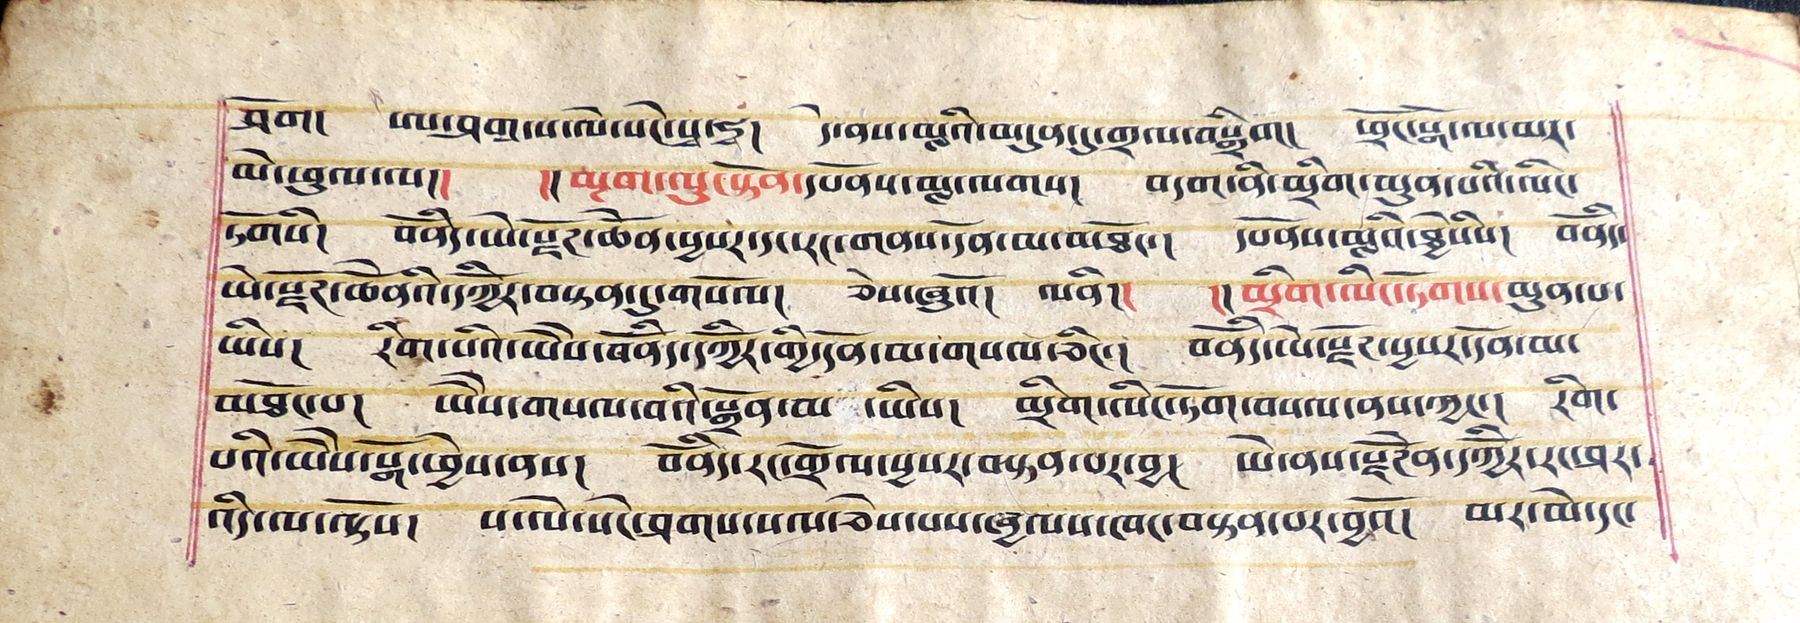ཤོག། ཨ་ཤག་ལྷང་ངེ་སྭཱཧཱ། ། དེ་ནས་བླ་མའི་མདུན་དུ་གྲལ་བསྒྲིགས་ལ། ཕོ་བྲང་སྒོ་ནས་མར་
མེ་འབུལ་ཏེ། མན་ངག་ལུང་སྟོན་དཔོན་གསས་བླ་མ་ལགས། ། བདག་ནི་མ་རིག་མུན་པའི་ལིང་
ཏོག་གིས། ། བོན་ཉིད་ཡེ་རྫོགས་ཆེན་པོའི་གསས་མཁར་རང་གནས་དོན་མ་མཐོང་། ། དཔོན་གསས་བླ་མའི་ཐུགས་རྗེ་ཡིས། ། བོན་ཉིད་
ཡེ་རྫོགས་ཆེན་པོའི་དཀྱིལ་འཁོར་བསྟན་དུ་གསོལ། ། ཞེས་ཞུའོ། ། ལན་ནི། བདག་གི་མ་རིག་ལིང་ཐོག་མུན་པ་
ཡིས། ། རིག་པའི་ཡེ་ཤེས་བོན་ཉིད་དཀྱིལ་འཁོར་དོན་མ་གསལ། ། བོན་ཉིད་ཡེ་རྫོགས་གསས་མཁར་དོན་མ་
མཐོང་། ། ཡེ་ཤེས་གསལ་བའི་སྒྲོན་མ་ཡིས། ། མ་རིག་ལིང་ཐོག་བསལ་ནས་ཀྱང་། ། རིག་
པའི་ཡེ་ཤེས་སྒོ་ཕྱེ་ནས། ། བོན་ཉིད་རང་གྲོལ་གསས་མཁར་བསྟན་པར་བྱའོ། ། རྫོགས་ཆེན་དཀྱིལ་འཁོར་རང་ཤར་
འདི་ལ་ལྟོས། ཨ་སལེ་སང་ངེ་ཤག་སལ། ། ཞེས་གཞལ་ཡས་བསྟན་པར་བྱའོ། ། མར་མེ་དང་